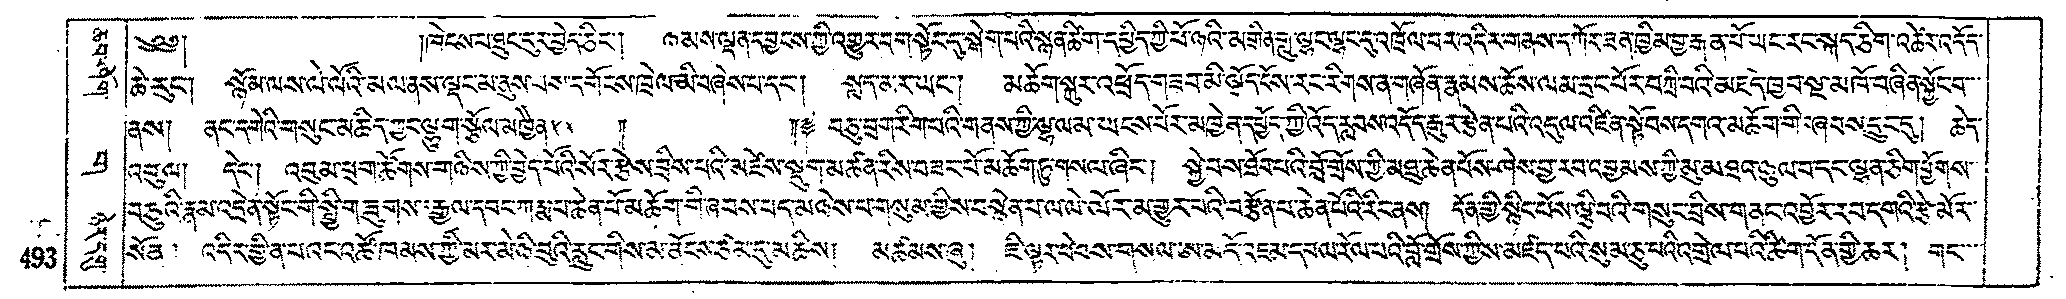༄༅། །ཁེངས་པ་ཐུང་ངུར་བྱེད་ཅིང་། ཉམས་ལྡན་དབྱངས་ཀྱི་འགྱུར་བག་སྟོང་དུ་སྒེག་པའི་སྙན་ཚིག་དཔྱིད་ཀྱི་ཕོ་ཉའི་མགྲིན་གླུ་ལྷང་ལྷང་དུ་འཁྲོལ་བར་འདིར་གནས་དཀོར་ཟན་ཁྱིམ་བྱ་རྒན་པོ་ཡང་རང་སྐད་ཅིག་འཚེར་འདོད་
ཆེ་རུང་། སྙོམ་ལས་ལེ་ལོའི་མལ་ནས་ལྡང་མ་ནུས་པས་དགོངས་ཁྲེལ་མི་བཞེས་པ་དང་། སླད་མར་ཡང་། མཆོག་སྐུར་འཕྲོད་གཟབ་མི་ལྷོད་ངོས་རང་རིགས་ན་གཞོན་རྣམས་ཆོས་ལམ་དྲང་པོར་བཀྲི་བའི་མཛད་ཁྱབ་སྔ་མཁོ་བཞིན་སྐྱོང་བ་་་
ནས། ནང་དགེའི་གསུང་མཆིད་ཀྱང་ལྷུག་སྩོལ་མཁྱཻན་྾་྾་།། །།འ་བཅུ་ཕྲག་རིག་པའི་གནས་ཀྱི་ལྷ་ལམ་ཡངས་པོར་མཁྱེན་དཔྱོད་ཀྱི་འོད་རླབས་འདོད་རྒུར་རྩེན་པའི་འདུལ་འཛིན་སྟོབས་དགའ་མཆོག་གི་ཞབས་དྲུང་དུ། ཆེད་
འབུལ། དེང་། འབུམ་ཕྲག་ཚོགས་གཉིས་ཀྱི་བྱེད་པོའི་སོར་རྩེས་བྲིས་པའི་མཛེས་སྡུག་མཚན་རིས་བཟང་པོ་མཆོག་ཏུ་གསལ་ཞིང་། སྐྱེ་བས་ཐོབ་པའི་བློ་གྲོས་ཀྱི་མཐུ་ཆེན་པོས་ཤེས་བྱ་རབ་འབྱམས་ཀྱི་མུ་མཐའ་ཉུལ་བ་དང་ལྷན་ཅིག་ཕྱོགས་
བཅུའི་རྣམ་འདྲེན་སྟོང་གི་སྤྱི་གཟུགས ༧རྒྱལ་དབང་ཀརྨ་པ་ཆེན་པོ་མཆོག་གི་ཞབས་པད་མཉེས་པ་གསུམ་གྱིས་བསྙེན་པ་ལ་ལེ་ལོར་མ་གྱུར་པའི་བརྩོན་པ་ཆེན་པོའི་རིང་ནས། དོན་གྱི་སྙིང་པོས་ལྕི་བའི་གསུང་བྲིས་གནང་འབྱོར་རབ་དགའི་རྩེ་མོར་་་
སོན། འདིར་གྱི་ན་པའང་འཚོ་ཁམས་ཀྱི་མར་མེ་ཉི་བུའི་རླུང་གིས་མ་ནོངས་ཙམ་དུ་མཆིས། མཚམས་ཞུ། ཇི་ལྟར་ཕེབས་གསལ་ཨ་མདོ་འཇམ་དཔལ་རོལ་པའི་བློ་གྲོས་ཀྱིས་མཛད་པའི་སུམ་ཅུ་པའི་འགྲེལ་པའི་ཚིག་དོན་གྱི་ཆར། གང་་་